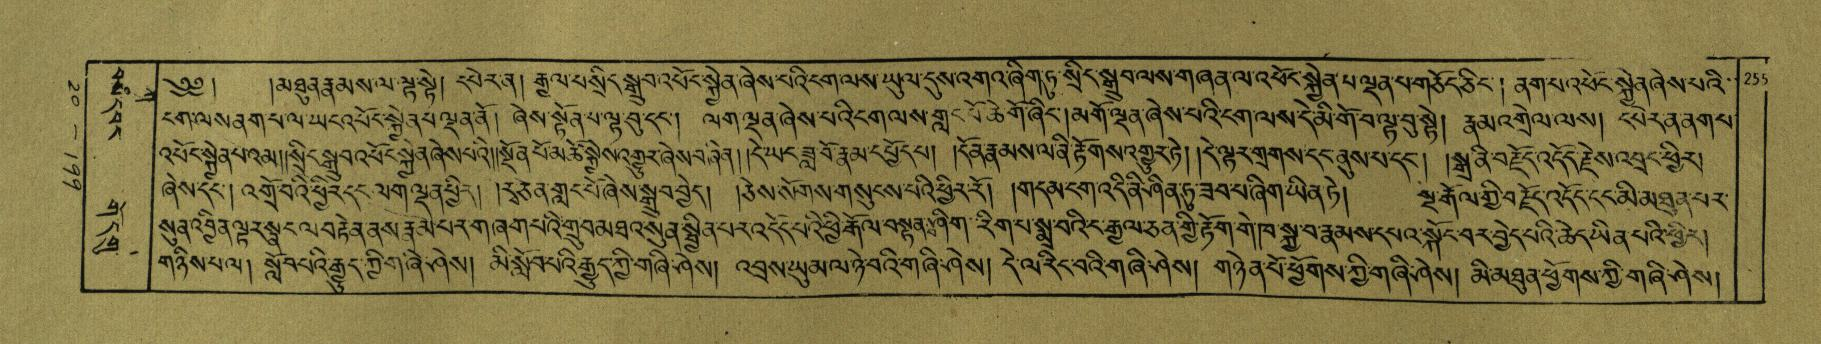༄༅། །མཐུན་རྣམས་ལ་ལྟ་སྟེ། དཔེར་ན། རྒྱལ་པ་སྲིད་སྒྲུབ་འཕོང་སྐྱེན་ཞེས་པའི་ངག་ལས་ཡུལ་དུས་འགའ་ཞིག་ཏུ་སྲིད་སྒྲུབ་ལས་གཞན་ལ་འཕོང་སྐྱེན་པ་ལྡན་པ་གཅོད་ཅིང་། ནག་པ་འཕོང་སྐྱེན་ཞེས་པའི་
ངག་ལས་ནག་པ་ལ་ཡང་འཕོང་སྐྱེན་པ་ལྡན་ནོ། ཞེས་སྟོན་པ་ལྟ་བུ་དང་། ལག་ལྡན་ཞེས་པའི་ངག་ལས་གླང་པོ་ཆེ་གོ་ཞིང་། མགོ་ལྡན་ཞེས་པའི་ངག་ལས་དེ་མི་གོ་བ་ལྟ་བུ་སྟེ། རྣམ་འགྲེལ་ལས། དཔེར་ན་ནག་པ་
འཕོང་སྐྱེན་པའམ། །སྲིང་སྒྲུབ་འཕོང་སྐྱེན་ཞེས་པའི། །སྔོན་པོ་མཚོ་སྐྱེས་འགྱུར་ཞེས་བཞིན། །དེ་ཡང་ཟླ་བོ་རྣམ་དཔྱོད་པ། །དོན་རྣམས་ལ་ནི་རྟོགས་འགྱུར་ཏེ། །དེ་ལྟར་གྲགས་དང་ནུས་པ་དང་། །སྒྲ་ནི་བརྗོད་འདོད་རྗེས་འབྲང་ཕྱིར།
ཞེས་དང་། འགྲོ་བའི་ཕྱིར་དང་ལག་ལྡན་ཕྱིར། །རྭ་ཅན་གླང་པོ་ཞེས་སྒྲུབ་བྱེད། །ཅེས་སོགས་གསུངས་པའི་ཕྱིར་རོ། །གདམ་ངག་འདི་ནི་ཤིན་ཏུ་ཟབ་པ་ཞིག་ཡིན་ཏེ། སྔ་རྒོལ་གྱི་བརྗོད་འདོད་དང་མི་མཐུན་པར་
སུན་འབྱིན་ལྟར་སྣང་ལ་བརྟེན་ནས་རྣམ་པར་གཞག་པའི་གྲུབ་མཐའ་སུན་སྦྱིན་པར་འདོད་པའི་ཕྱི་རྒོལ་བསྟན་བཤིག་རིག་པ་སྨྲ་བའི་ང་རྒྱལ་ཅན་གྱི་རྟོག་གེ་ཁ་སྐྱ་བ་རྣམས་དཔའ་སྐོང་བར་བྱེད་པའི་ཆེད་ཡིན་པའི་ཕྱིར།
གཉིས་པ་ལ། སློབ་པའི་རྒྱུད་ཀྱི་གཞི་ཤེས། མི་སློབ་པའི་རྒྱུད་ཀྱི་གཞི་ཤེས། འབྲས་ཡུམ་ལ་ཉེ་བའི་གཞི་ཤེས། དེ་ལ་རིང་བའི་གཞི་ཤེས། གཉེན་པོ་ཕྱོགས་ཀྱི་གཞི་ཤེས། མི་མཐུན་ཕྱོགས་ཀྱི་གཞི་ཤེས།